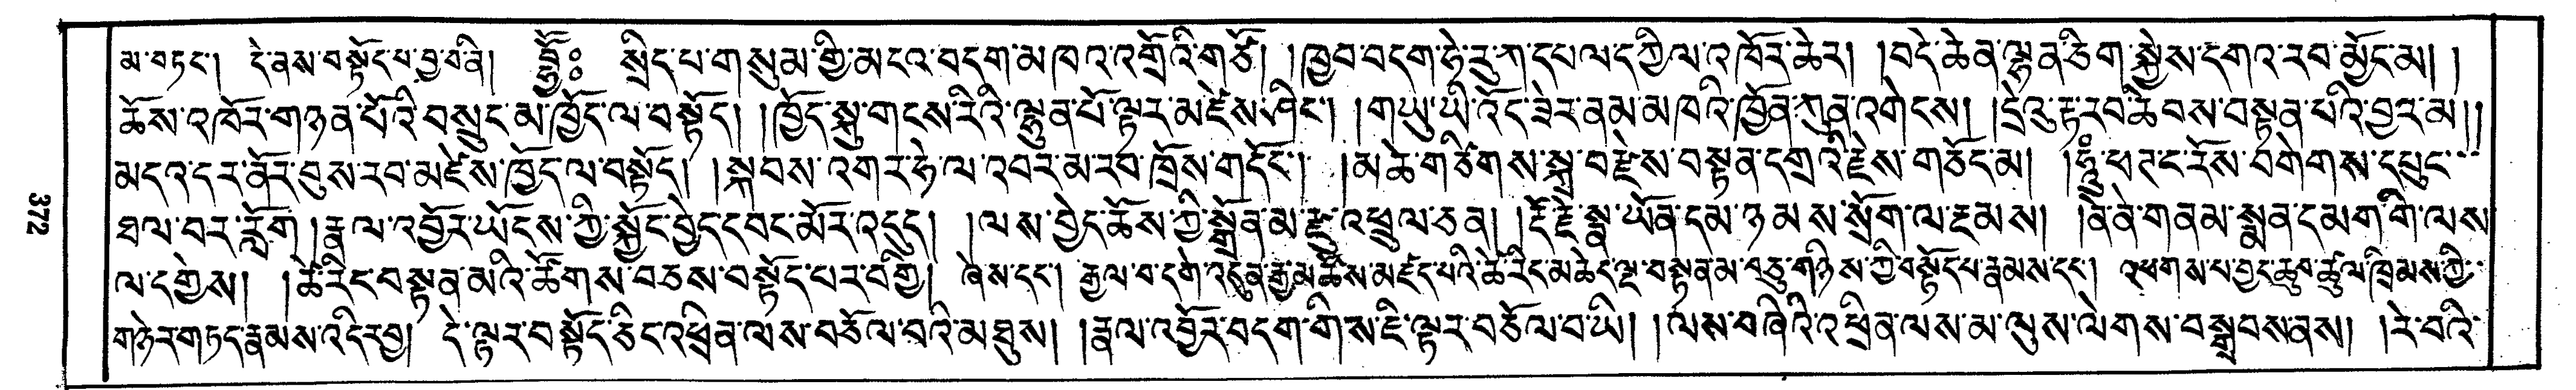མ་བཏང་། དེ་ནས་བསྟོད་བ་བྱ་བ་ནི། བྷྱཽཿ སྲིད་པ་གསུམ་གྱི་མངའ་བདག་མཁའ་འགྲོའི་གཙོ། །ཁྱབ་བདག་ཧེ་རུ་ཀ་དཔལ་དཀྱིལ་འཁོར་ཆེར། །བདེ་ཆེན་ལྷན་ཅིག་སྐྱེས་དགའ་རབ་མྱོང་མ། །
ཆོས་འཁོར་གཉན་པོའི་བསྲུང་མ་ཁྱོད་ལ་བསྟོད། །ཁྱོད་སྐུ་གངས་རིའི་ལྷུན་པོ་ལྟར་མཛེས་ཤིང་། །གཡུ་ཡི་འོད་ཟེར་ནམ་མཁའི་ཁྱོན་ཀུན་འགེངས། །དྲེའུ་རྟ་རབ་ཆིབས་བ་སྟན་བའི་བྱ་ར་མ།།
མདའ་དར་ནོར་བུས་རབ་མཛེས་ཁྱོད་ལ་བསྟོད། །སྐབས་འགར་ཧེ་ལ་འབར་མ་རབ་ཁྲོས་གདོང་། །མཆེ་གཙིགས་སྐྲ་བརྫེས་བསྟན་དགྲའི་རྗེས་གཅོད་མ། །ཧཱུཾ་ཕཊ་ང་རོས་བགེགས་དཔུང་
ཐལ་བར་རློག །རྣལ་འབྱོར་ཡོངས་ཀྱི་སྐྱོང་བྱེད་དབང་པོར་འདུད། །ལས་བྱེད་ཆོས་ཀྱི་སྒྲོན་མ་རྫུ་འཕྲུལ་ཅན། །རྡོ་རྗེ་སྣ་ཡོན་དམ་ཉམས་སྲོག་ལ་རྔམས། །ནེ་ནེ་གནམ་སྨན་དམག་གི་ལས་
ལ་དགྱེས། །ཚེ་རིང་བསྟན་མའི་ཚོགས་བཅས་བསྟོད་པར་བགྱི། ཞེས་དང་། རྒྱལ་བ་དགེ་འདུན་རྒྱ་མཚོས་མཛད་པའི་ཚེ་རིང་མཆེད་ལྔ་བསྟན་མ་བཅུ་གཉིས་ཀྱི་བསྟོད་པ་རྣམས་དང་། འཕགས་པ་བྱང་ཆུབ་ཚུལ་ཁྲིམས་ཀྱི་
གཉེར་གཏད་རྣམས་འདིར་བྱ། དེ་ལྟར་བསྟོད་ཅིང་འཕྲིན་ལས་བཅོལ་བའི་མཐུས། །རྣལ་འབྱོར་བདག་གིས་ཇི་ལྟར་བཅོལ་བ་ཡི། །ལས་བཞིའི་འཕྲིན་ལས་མ་ལུས་ལེགས་བསྒྲུབས་ནས། །རེ་བའི་